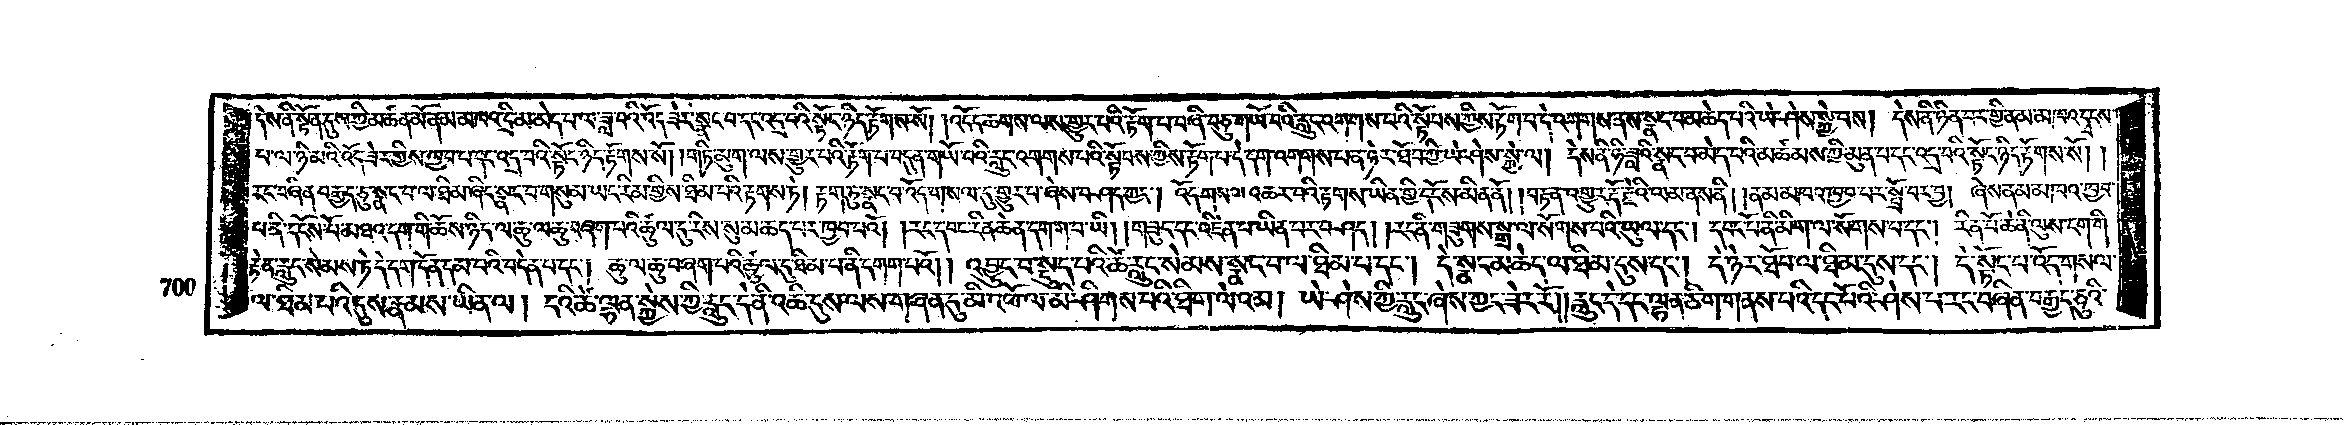དེས་ནི་སྟོན་དུས་ཀྱི་མཚན་མོ་ནམ་མཁའ་དྲི་མ་མེད་པ་ལ་ཟླ་བའི་འོད་ཟེར་སྣང་བ་དང་འདྲ་བའི་སྟོང་ཉིད་རྟོགས་སོ། །འདོད་ཆགས་ལས་གྱུར་པའི་རྟོག་པ་བཞི་བཅུ་གཡོ་བའི་རླུང་འགགས་པའི་སྟོབས་ཀྱིས་རྟོག་པ་དེ་འགགས་ནས་སྣང་བ་མཆེད་པའི་ཡེ་ཤེས་སྐྱེ་བས། དེས་ནི་ཉིན་པར་གྱི་ནམ་མཁའ་དྭངས་
པ་ལ་ཉི་མའི་འོད་ཟེར་གྱིས་ཁྱབ་པ་དང་འདྲེ་བའི་སྟོང་ཉིད་རྟོགས་སོ། །གཏི་མུག་ལས་གྱུར་པའི་རྟོག་པ་བདུན་གཡོ་བའི་རླུང་འགགས་པའི་སྟོབས་ཀྱིས་རྟོག་པ་དེ་དག་འགགས་པ་ན་ཉེར་ཐོབ་ཀྱི་ཡེ་ཤེས་སྐྱེ་ལ། དེས་ནི་ཉི་ཟླའི་སྣང་བ་མེད་པའི་མཚམས་ཀྱི་མུན་པ་དང་འདྲ་བའི་སྟོང་ཉིད་རྟོགས་སོ། །
རང་བཞིན་བརྒྱད་ཅུ་སྣང་བ་ལ་ཐིམ་ཞིང་སྣང་བ་གསུམ་ཡང་རིམ་གྱིས་ཐིམ་པའི་རྟགས་ཏེ། རྟག་ཏུ་སྣང་བ་འོད་གསལ་དུ་གྱུར་པ་ཞེས་བཤད་ཀྱང་། འོད་གསལ་འཆར་བའི་རྟགས་ཡིན་གྱི་དངོས་མིན་ནོ། །བརྟན་འགྱུར་རྡོ་རྗེའི་ལམ་ནས་ནི། །ནམ་མཁའ་ཁྱབ་པར་སྤྲོ་བར་བྱ། ཞེས་ནམ་མཁའ་ཁྱབ་
པ་ནི་དངོས་པོ་མཐའ་དག་གི་ཆོས་ཉིད་ལ་ཆུ་ལ་ཆུ་བཞག་པའི་ཚུལ་དུ་རིས་སུ་མ་ཆད་པར་ཁྱབ་པའོ། །རང་དབང་རིན་ཆེན་དགག་པ་ཡི། །གཟུང་དང་འཛིན་པ་ཡིན་པར་བཤད། །རང་ནི་གཟུགས་སྒྲ་ལ་སོགས་པའི་ཡུལ་དང་། དབང་པོ་ནི་མིག་ལ་སོགས་པ་དང་། རིན་པོ་ཆེ་ནི་ལུས་ངག་གི་
རྟེན་རླུང་སེམས་ཏེ་དེ་དག་དོན་དམ་པའི་བདེན་པ་དང་། ཆུ་ལ་ཆུ་བཞག་པའི་ཚུལ་དུ་ཐིམ་པ་ནི་དགག་པའོ། །འབྱུང་བ་སྡུད་པའི་ཚེ་རླུང་སེམས་སྣང་བ་ལ་ཐིམ་པ་དང་། དེ་སྣང་མཆེད་ལ་ཐིམ་དུས་དང་། དེ་ཉེར་ཐོབ་ལ་ཐིམ་དུས་དང་། དེ་སྟོང་པ་འོད་གསལ་
ལ་ཐིམ་པའི་དུས་རྣམས་ཡིན་ལ། དེའི་ཚེ་ལྷན་སྐྱེས་ཀྱི་རླུང་དེ་ནི་འཆི་དུས་ལས་གཞན་དུ་མི་འཕོ་ལ་མི་ཤིགས་པའི་ཐིག་ལེའམ། ཡེ་ཤེས་ཀྱི་རླུང་ཞེས་ཀྱང་ཟེར་རོ། །རླུང་དེ་དང་ལྷན་ཅིག་གནས་པའི་དང་པོའི་ཤེས་པ་རང་བཞིན་བརྒྱད་ཅུའི་